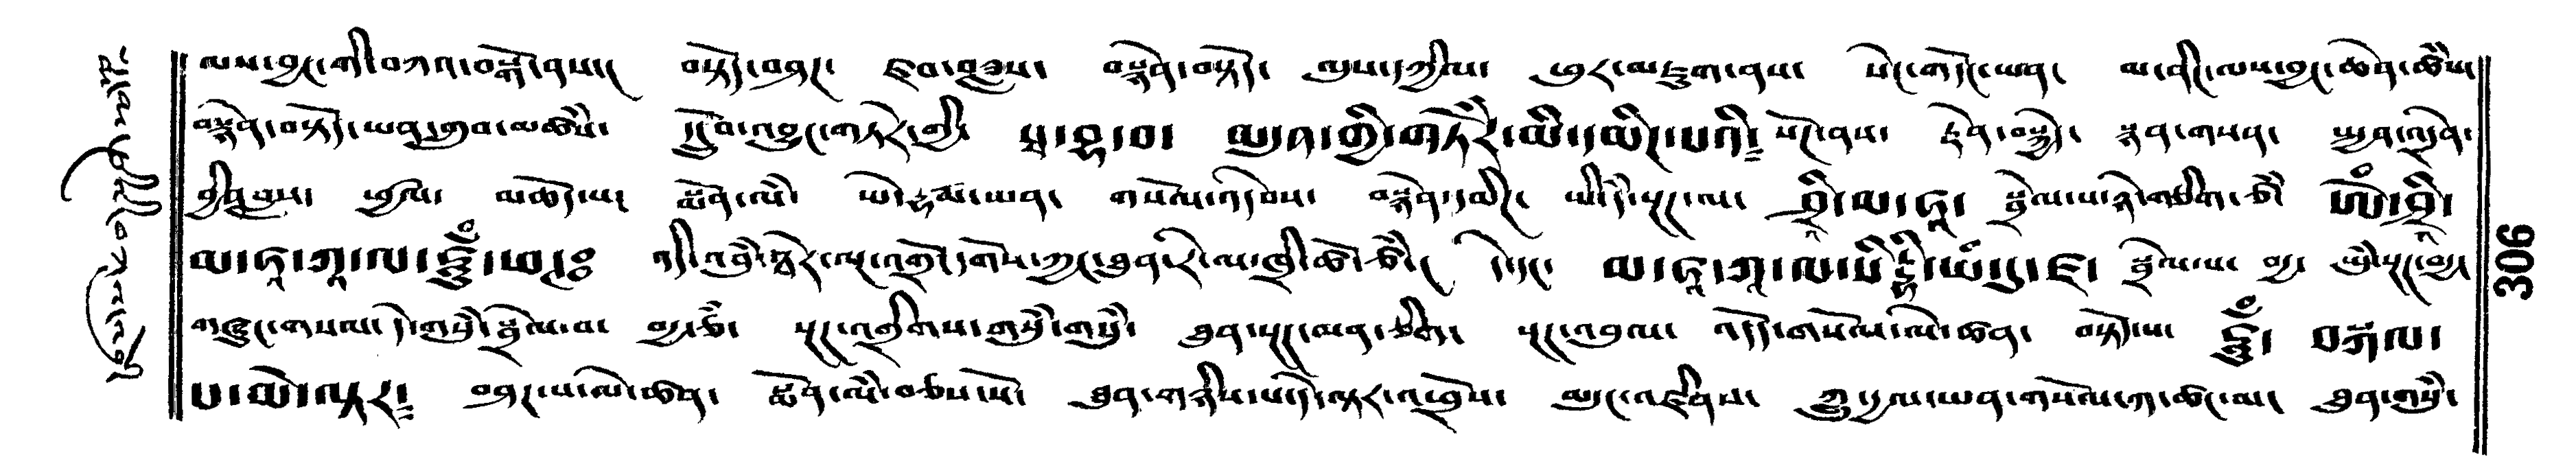ལས་བྱང་གི་བཀའ་བསྒོ་ནས། བསྟོད་བཤགས། འཛབ་བཟླས། བསྙེན་བསྟོད། ལུས་དཀྱིལ། ཕུར་མཇུག་ནས། སེང་གདོང་ཡན། མ་ནིང་ལས་བྱང་
བསྙེན་བསྟོད་ཡན་གྲུབ་མཚམས། དངོས་གྲུབ་འབྱུང་གཏེར་གྱི། སྭ་བྷ་བ༴ མདུན་གྱི་གཏོར་མ་མི་དམིགས་པའི༴ སོགས་ནས། རྟེན་བསྐྱེད། སྙན་གསན། སྤྱན་འདྲེན། 
བྱིན་རླབས། ཕྱག་འཚལ། མཆོད་པ། སྨོན་ལམ། ཡེ་དྷརྨ༴ ཡན། གསོལ་འདེབས། བསྙེན་དམིགས། ཡི་དམ་སྔགས་ལ། ཤྲཱི་མ་ཧཱ༴ སྦྲེལ་པ་ཉེར་གཅིག་ཙམ། ཨོཾ་ཤྲཱི་
མ་ཧཱ་ཀཱ་ལ་ཧཱུྃ་ཕཊཿ འདི་འབུམ་ཉེར་ལྔ་འགྲོ་དགོས་ཀྱང་ཐུན་རེ་ལ་ཁྲི་ཚོ་ཙམ། དེ་དང་། མ་ཧཱ་ཀཱ་ལ་སིདྡྷི་ཡཾ་དུ་ཛཿ སྦྲེལ་པ་བརྒྱ། ཡུམ་སྔགས་བརྒྱ་
གཞུང་དུ་གསལ་བ་དེ་གསུམ་སྦྲེལ་བ་བརྒྱ་ཙམ། སྔགས་འགྲིགས་གསུམ་གསུམ། ཐུན་སྔགས་ལན་ཅིག སྔགས་འབུལ། འདོད་གསོལ་ལེ་ཚན། བསྟོད་པ། ཧཱུྃ། བསྐལ་
པ་མེ་ལྟར༴ བཤགས་པ་ལེ་ཚན། སྨོན་ལམ་བཅས་སོ། ཐུན་གཉིས་པ་དེ་ལྟར་འཕྲོས། མདུང་འཛིན་ནས། ཀླུ་རྒྱལ་ཡན་གསོལ་ཀ་ཚང་མ། ཐུན་གསུམ་